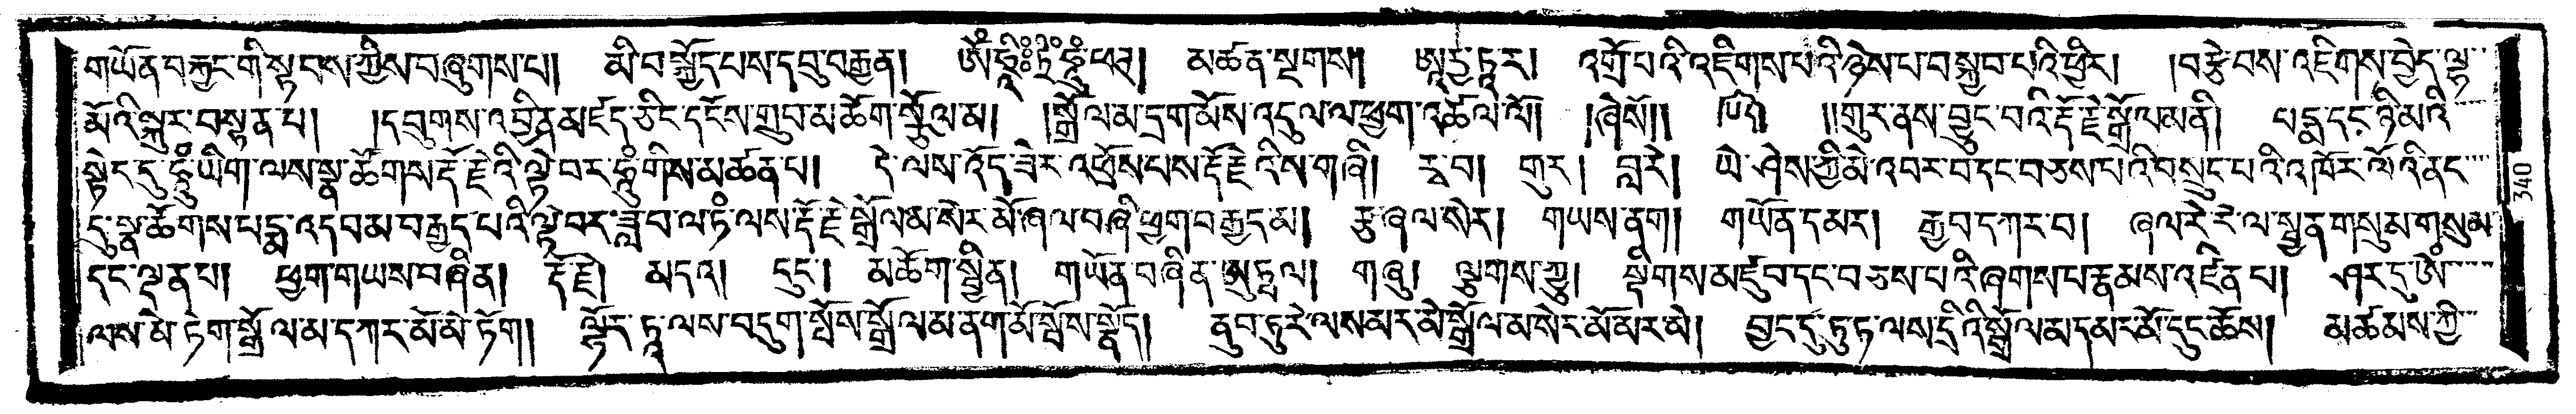གཡོན་བརྐྱང་གི་སྟབས་ཀྱིས་བཞུགས་པ། མི་བསྐྱོད་པས་དབུ་བརྒྱན། ཨོཾ་ཧྲཱིཿཏྲིཾ་ཧཱུཾ་ཕཊ། མཚན་སྔགས། ཨཱརྱ་ཏཱ་ར། འགྲོ་པའི་འཇིགས་པའི་ཉེས་པ་བསྐྱབ་པའི་ཕྱིར། །བརྩེ་བས་འཇིགས་བྱེད་ལྷ་
མོའི་སྐུར་བསྟན་པ། །དབུགས་འབྱིན་མཛད་ཅིང་དངོས་གྲུབ་མཆོག་སྩོལ་མ། །སྒྲོལ་མ་དྲག་མོས་འདུལ་ལ་ཕྱག་འཚལ་ལོ། །ཞེས་སོ།། ༥༨?་།།གུར་ནས་བྱུང་བའི་རྡོ་རྗེ་སྒྲོལ་མ་ནི། པདམ་དང་ཉི་མའི་
སྟེང་དུ་ཧཱུཾ་ཡིག་ལས་སྣ་ཚོགས་རྡོ་རྗེའི་ལྟེ་བར་ཧཱུཾ་གིས་མཚན་པ། དེ་ལས་འོད་ཟེར་འཕྲོས་པས་རྡོ་རྗེའི་ས་གཞི། རྭ་བ། གུར། བླ་རེ། ཡེ་ཤེས་ཀྱི་མེ་འབར་བ་དང་བཅས་པའི་བསྲུང་པའི་འཁོར་ལོའི་ནང་
དུ་སྣ་ཚོགས་པདམ་འདབ་མ་བརྒྱད་པའི་ལྟེ་བར་ཟླ་པ་ལ་ཏཾ་ལས་རྡོ་རྗེ་སྒྲོལ་མ་སེར་མོ་ཞལ་བཞི་ཕྱག་བརྒྱད་མ། རྩ་ཞལ་སེར། གཡས་ནག། གཡོན་དམར། རྒྱབ་དཀར་བ། ཞལ་རེ་རེ་ལ་སྤྱན་གསུམ་གསུམ་
དང་ལྡན་པ། ཕྱག་གཡས་བཞིན། རྡོ་རྗེ། མདའ། དུང་། མཆོག་སྦྱིན། གཡོན་བཞིན་ཨུཏྤལ། གཞུ། ལྕགས་ཀྱུ། སྡིགས་མཛུབ་དང་བཅས་པའི་ཞགས་པ་རྣམས་འཛིན་པ། ཤར་དུ་ཨོཾ་
ལས་མེ་ཏོག་སྒྲོལ་མ་དཀར་མོ་མེ་ཏོག། ལྷོར་ཏཱ་ལས་བདུག་སྤོས་སྒྲོལ་མ་ནག་མོ་སྦོས་སྣོད། ནུབ་ཏུ་རེ་ལས་མར་མེ་སྒྲོལ་མ་སེར་མོ་མར་མེ། བྱང་དུ་ཏུ་ཏ་ལས་དྲིའི་སྒྲོལ་མ་དམར་མོ་དུང་ཆོས། མཚམས་ཀྱི་